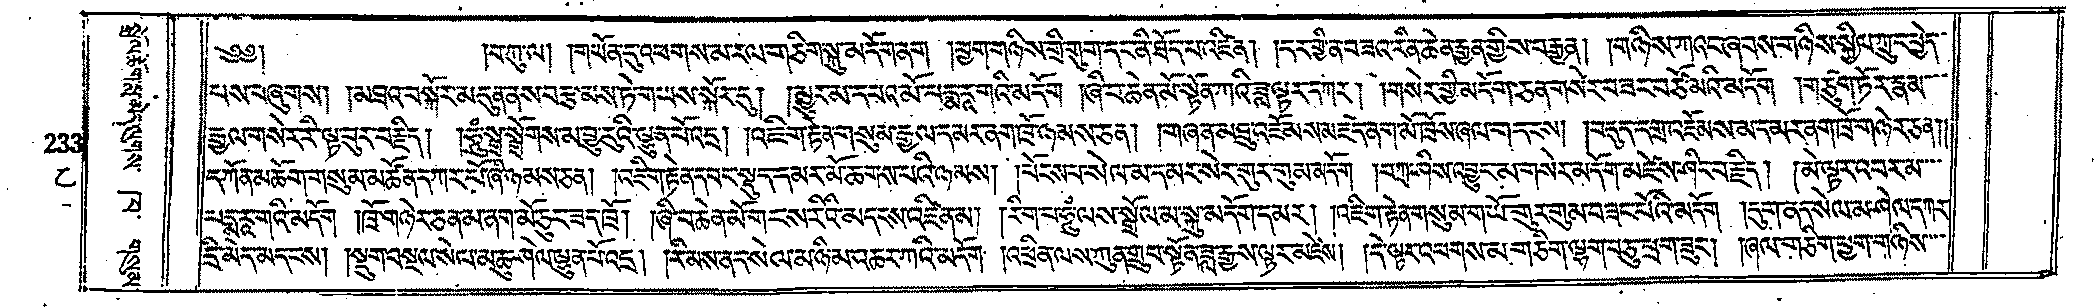༄༅། །བ་ཀུ་ལ། །གཡོན་དུ་འཕགས་མ་རལ་གཅིག་སྐུ་མདོག་ནག །ཕྱག་གཉིས་གྲི་གུག་དང་ནི་ཐོད་པ་འཛིན། །དར་གྱི་ན་བཟའ་རིན་ཆེན་རྒྱན་གྱིས་བརྒྱན། །གཉིས་ཀའང་ཞབས་གཉིས་སྐྱིལ་ཀྲུང་ཕྱེད་་་
པས་བཞུགས། །མཐའ་བསྐོར་མདུན་ནས་བརྩམས་ཏེ་གཡས་སྐོར་དུ། །མྱུར་མ་དཔའ་མོ་པདམ་རཱ་གའི་མདོག །ཞི་བ་ཆེན་མོ་སྟོན་ཀའི་ཟླ་ལྟར་དཀར། །གསེར་གྱི་མདོག་ཅན་གསེར་བཟང་བཙོ་མའི་མདོག །གཙུག་ཏོར་རྣམ་་་
རྒྱལ་གསེར་རི་ལྟ་བུར་བརྗིད། །ཧཱུཾ་སྒྲ་སྒྲོགས་མ་བྱུ་རུའི་ལྷུན་པོ་འདྲ། །འཇིག་རྟེན་གསུམ་རྒྱལ་དམར་ནག་ཁྲོ་ཉམས་ཅན། །གཞན་མཐུ་འཇོམས་མཛད་ནག་མོ་ཁྲོས་ཞལ་གདངས། །བདུད་དགྲ་འཇོམས་མ་དམར་ནག་ཁྲོ་གཉེར་ཅན།།
དཀོན་མཆོག་གསུམ་མཚོན་དཀར་པོ་ཞི་ཉམས་ཅན། །འཇིག་རྟེན་དབང་སྡུད་དམར་མོ་ཆགས་པའི་ཉམས། །ཕོངས་པ་སེལ་མ་དམར་སེར་གུར་གུམ་མདོག །བཀྲ་ཤིས་འབྱུང་མ་གསེར་མདོག་མཛེས་ཤིང་བརྗིད། །མེ་ལྟར་འབར་མ་་་
པདམ་རཱ་གའི་མདོག །ཁྲོ་གཉེར་ཅན་མ་ནག་མོ་ཅུང་ཟད་ཁྲོ། །ཞི་བ་ཆེན་མོ་གངས་རིའི་མདངས་འཛིན་མ། །རིག་པ་ཧཱུཾ་ལས་སྒྲོལ་མ་སྐུ་མདོག་དམར། །འཇིག་རྟེན་གསུམ་གཡོ་གུར་གུམ་བཟང་པོའི་མདོག །དུག་ནད་སེལ་མ་ཤེལ་དཀར་
དྲི་མེད་མདངས། །སྡུག་བསྔལ་སེལ་མ་ཆུ་ཤེལ་ལྷུན་པོ་འདྲ། །རིམས་ནད་སེལ་མ་ཉི་མ་འཆར་ཀའི་མདོག །འཕྲིན་ལས་ཀུན་གྲུབ་སྟོན་ཟླ་རྒྱས་ལྟར་མཛེས། །དེ་ལྟར་འཕགས་མ་གཅིག་ལྷག་བཅུ་ཕྲག་ཟུང་། །ཞལ་གཅིག་ཕྱག་གཉིས་་་